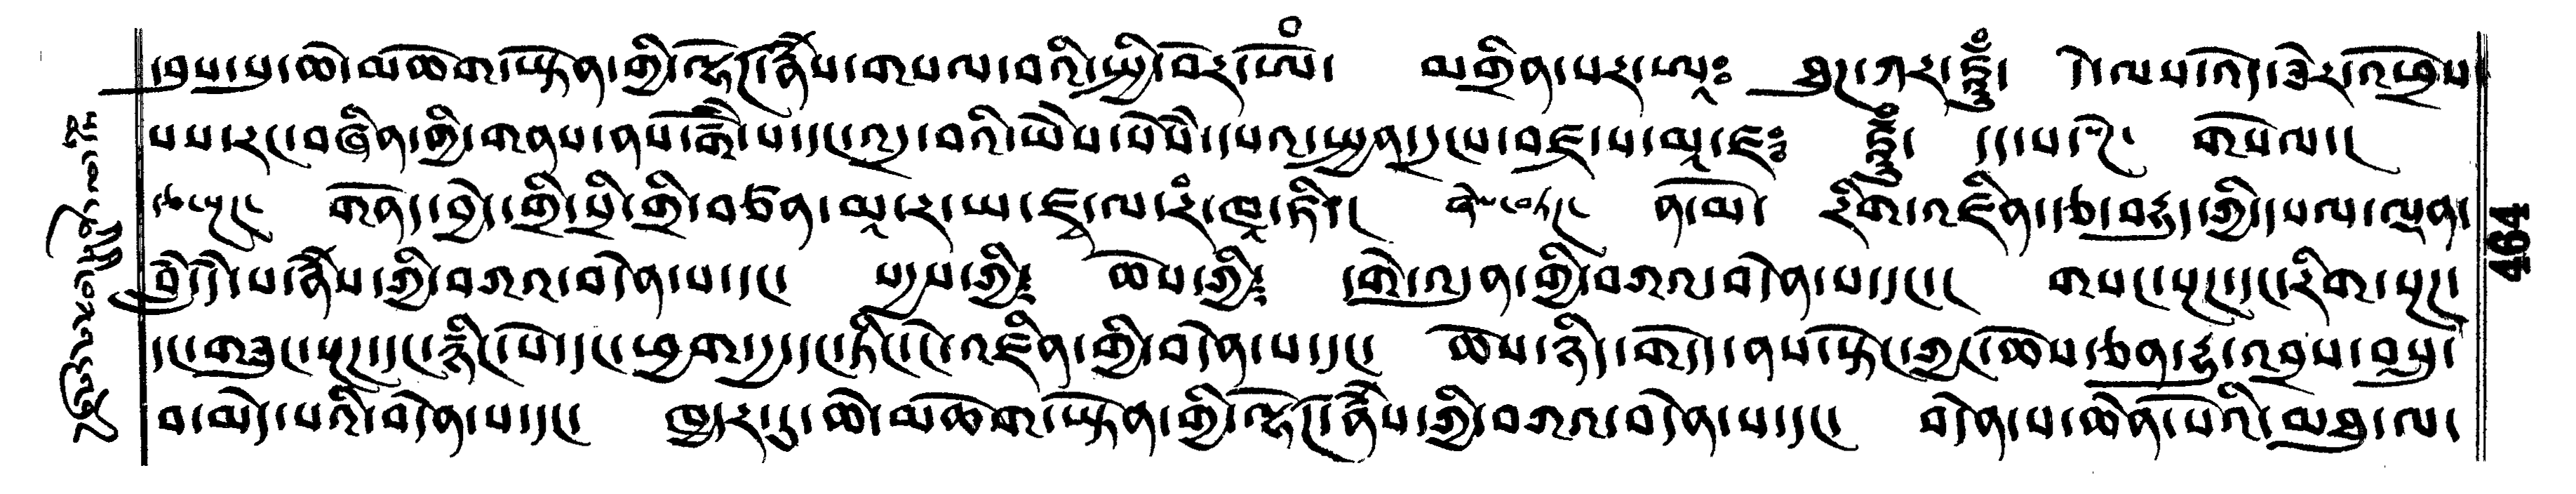དབུས་སུ་ཆེ་མཆོག་ཡོན་ཏན་གྱི་ལྷ་ཚོགས་རྣམས་གསལ་བའི་སྤྱི་བོར་ཨོཾ། མགྲིན་པར་ཨཱཿ ཐུགས་ཀར་ཧཱུྃ། དེ་ལས་འོད་ཟེར་འཕྲོས་
པས་རང་བཞིན་གྱི་གནས་ནས་སྒོམ་པ་དང་འདྲ་བའི་ཡེ་ཤེས་སེམས་དཔའ་སྤྱན་དྲངས་བཛྲ་ས་མཱ་ཛཿ ཧཱུྃ། དད་པ༴ སོགས། གསོལ། 
རྩ་སྔགས། གནོད་བྱེད་གྲི་སྲི་གྲི་བཙན་མཱ་ར་ཡ་ཛྭ་ལ་རཾ་ཁཱ་ཧི། ཞེས་བཏགས། ན་མོ། རིག་འཛིན་རྩ་བརྒྱུད་ཀྱི་དཔལ་ལྡན་
བླ་དམ་པ་རྣམས་ཀྱི་བཀའ་བདེན་པ་དང་། སངས་རྒྱས་ཀྱི༴ ཆོས་ཀྱི༴ དགེ་འདུན་གྱི་བཀའ་བདེན་པ་དང་། གསང་སྔགས་དང་རིག་སྔགས་
དང་གཟུགས་སྔགས་དང་སྙིང་པོ་དང་ཕྱག་རྒྱ་དང་ཏིང་ངེ་འཛིན་གྱི་བདེན་པ་དང་། ཆོས་ཉིད་གདོད་ནས་སྟོང་ཀྱང་ཆོས་ཅན་རྒྱུ་འབྲས་བསླུ་
བ་མེད་པའི་བདེན་པ་དང་། ཁྱད་པར་དུ་ཆེ་མཆོག་ཡོན་ཏན་གྱི་ལྷ་ཚོགས་རྣམས་ཀྱི་བཀའ་བདེན་པ་དང་། བདེན་པ་ཆེན་པོའི་མཐུ་ལ་